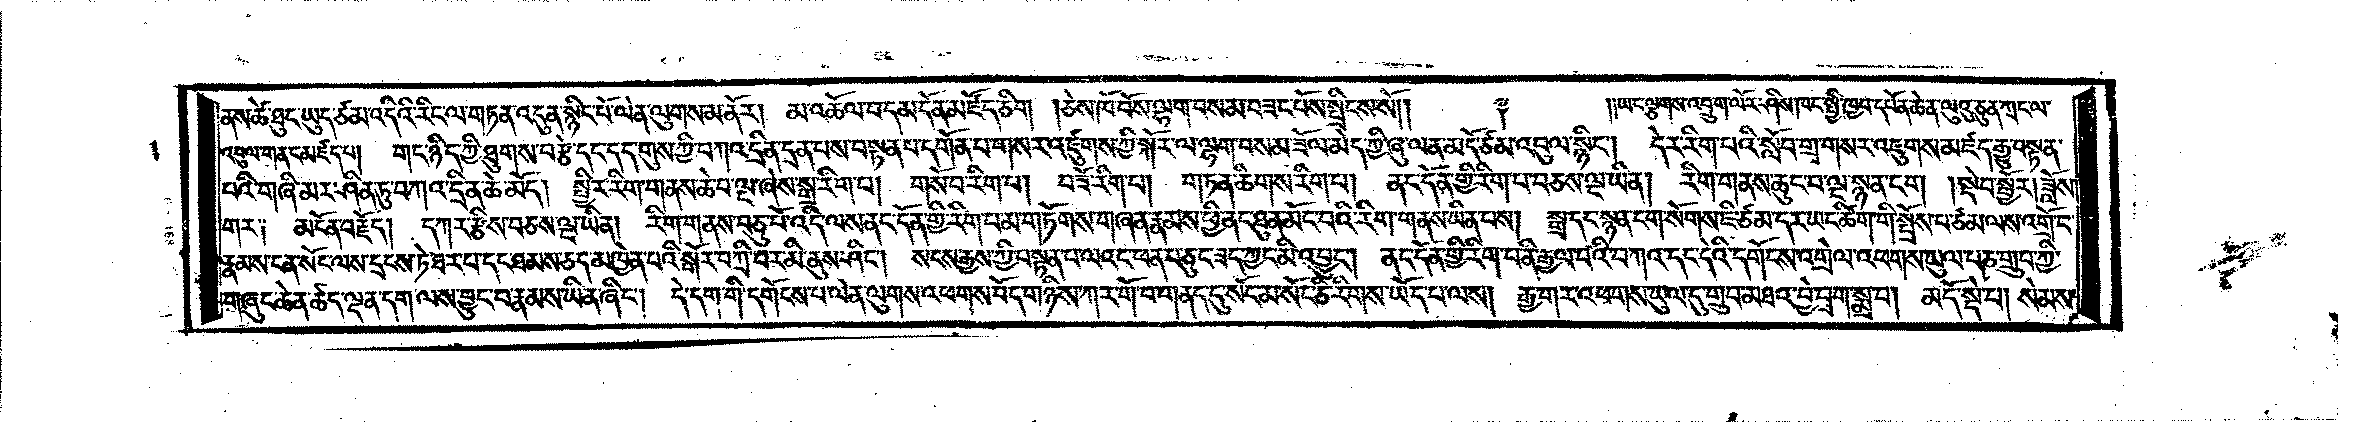ནས་ཚེ་ཐུང་ཡུད་ཙམ་འདིའི་རིང་ལ་གཏན་འདུན་སྙིང་པོ་ལེན་ལུགས་མནོར། མ་འཆོལ་བ་དམ་དོན་མཛོད་ཅིག །ཅེས་ཁོ་བོས་ལྷག་བསམ་བཟང་པོས་སྤྲིངས་སོ།། ༈ །།ཡང་ལྕགས་འབྲུག་ལོར་ཤིས་ཁང་སྤྱི་ཁྱབ་དཔོན་ཆེན་ལུའུ་ཅུན་ཀྲང་ལ་
འབུལ་གནང་མཛད་པ། གང་ཉིད་ཀྱི་ཐུགས་བརྩེ་དང་དད་གུས་ཀྱི་བཀའ་དྲིན་དྲན་པས་བསྟན་པ་དགོན་པ་གསར་འཛུགས་ཀྱི་སྐོར་ལ་ལྷག་བསམ་ཟོལ་མེད་ཀྱི་ཞུ་ལན་མདོ་ཙམ་འབུལ་སྙིང་། དེར་རིག་པའི་སློབ་གྲ་གསར་འཛུགས་མཛད་རྒྱུ་བསྟན་
པའི་གཞི་མར་ཤིན་ཏུ་བཀའ་དྲིན་ཆེ་མོད། སྤྱིར་རིག་གནས་ཆེ་བ་ལྔ་ཞེས་སྒྲ་རིག་པ། གསོ་བ་རིག་པ། བཟོ་རིག་པ། གཏན་ཚིགས་རིག་པ། ནང་དོན་གྱི་རིག་པ་བཅས་ལྔ་ཡིན། རིག་གནས་ཆུང་བ་ལྔ་སྙན་ངག །སྡེབ་སྦྱོར། ཟློས་
གར༑ མངོན་བརྗོད། དཀར་རྩིས་བཅས་ལྔ་ཡིན། རིག་གནས་བཅུ་པོ་འདི་ལས་ནང་དོན་གྱི་རིག་པ་མ་གཏོགས་གཞན་རྣམས་ཕྱི་ནང་ཐུན་མོང་བའི་རིག་གནས་ཡིན་པས། སྒྲ་དང་སྙན་ངག་སོགས་ཇི་ཙམ་དར་ཡང་ཚིག་གི་སྤྲོས་པ་ཙམ་ལས་འགྲོང་
རྣམས་ངན་སོང་ལས་དྲངས་ཏེ་ཐར་པ་དང་ཐམས་ཅད་མཁྱེན་པའི་སྒོར་བཀྲི་བར་མི་ནུས་ཤིང་། སངས་རྒྱས་ཀྱི་བསྟན་པ་ལའང་ཕན་པ་ཅུང་ཟད་ཀྱང་མི་འབྱུང་། ནང་དོན་གྱི་རིག་པ་ནི་རྒྱལ་བའི་བཀའ་དང་དེའི་དགོངས་འགྲེལ་འཕགས་ཡུལ་པཎ་གྲུབ་ཀྱི་
གཞུང་ཆེན་ཚད་ལྡན་དག་ལས་བྱུང་བ་རྣམས་ཡིན་ཞིང་། དེ་དག་གི་དགོངས་པ་ལེན་ལུགས་འཕགས་བོད་གཉིས་ཀར་གོ་བ་གནད་དུ་སོང་མ་སོང་ཅི་རིགས་ཡོད་པ་ལས། རྒྱ་གར་འཕགས་ཡུལ་དུ་གྲུབ་མཐའ་བྱེ་བྲག་སྨྲ་བ། མདོ་སྡེ་པ། སེམས་